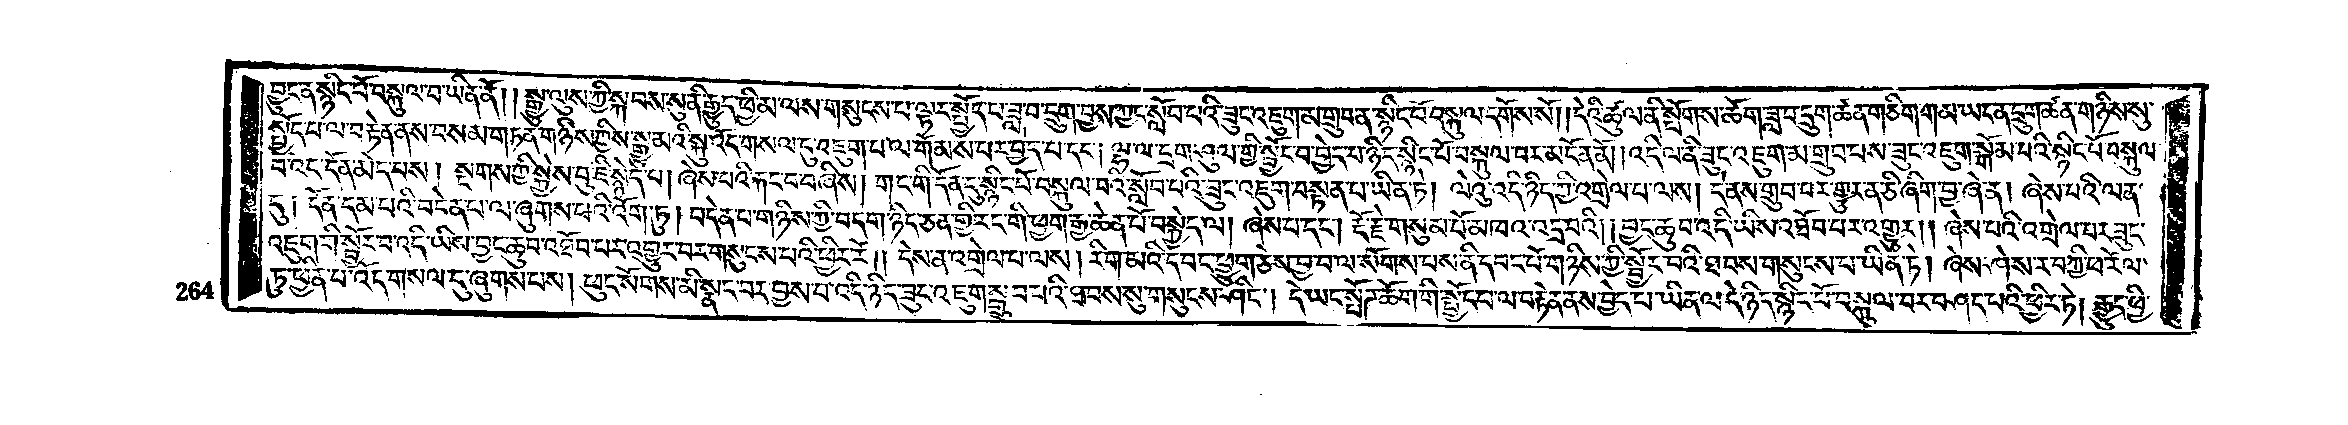བྱུང་ན་སྙིང་པོ་བསྐུལ་བ་ཡིན་ནོ། །སྒྱུ་ལུས་ཀྱི་སྐབས་སུ་ནི་རྒྱུད་ཕྱི་མ་ལས་གསུངས་པ་ལྟར་སྤྱོད་པ་ཟླ་བ་དྲུག་བྱས་ཀྱང་སློབ་པའི་ཟུང་འཇུག་མ་གྲུབ་ན་སྙིང་པོ་བསྐུལ་དགོས་སོ། །དེའི་ཚུལ་ནི་སྤོགས་ཆོག་ཟླ་བ་དྲུག་ཚན་གཅིག་གམ་ཡང་ན་དྲུག་ཚན་གཉིས་སུ་
སྤྱོད་པ་ལ་བརྟེན་ནས་བསམ་གཏན་གཉིས་ཀྱིས་སྒྱུ་མའི་སྐུ་འོད་གསལ་དུ་འཇུག་པ་ལ་གོམས་པར་བྱེད་པ་དང་། ལྷ་ལ་དྲག་ཤུལ་གྱི་སྦྱོར་བ་བྱེད་པ་ཉིད་སྙིང་པོ་བསྐུལ་བར་མངོན་ནོ། །འདི་ལ་ནི་ཟུང་འཇུག་མ་གྲུབ་པས་ཟུང་འཇུག་སྒོམ་པའི་སྙིང་པོ་བསྐུལ་
བ་འོང་དོན་མེད་པས། སྔགས་ཀྱི་སྐྱེས་བུ་ཇི་སྙེད་པ། ཞེས་པའི་རྐང་བ་བཞིས། གང་གི་དོན་དུ་སྙིང་པོ་བསྐུལ་བའི་སློབ་པའི་ཟུང་འཇུག་བསྟན་པ་ཡིན་ཏེ། ལེའུ་འདི་ཉིད་ཀྱི་འགྲེལ་པ་ལས། དེ་ནས་གྲུབ་པར་གྱུར་ན་ཅི་ཞིག་བྱ་ཞེ་ན། ཞེས་པའི་ལན་
དུ། དོན་དམ་པའི་བདེན་པ་ལ་ཞུགས་པའི་འོག་ཏུ། བདེན་པ་གཉིས་ཀྱི་བདག་ཉིད་ཅན་གྱི་རང་གི་ཕྱག་རྒྱ་ཆེན་པོ་བསྐྱེད་ལ། ཞེས་པ་དང་། རྡོ་རྗེ་གསུམ་པོ་མཁའ་འདྲ་པའི། །བྱང་ཆུབ་འདི་ཡིས་འཐོབ་པར་འགྱུར། །ཞེས་པའི་འགྲེལ་པར་ཟུང་
འཇུག་གི་སྦྱོར་བ་འདི་ཡིས་བྱང་ཆུབ་འཐོབ་པར་འགྱུར་བར་གསུངས་པའི་ཕྱིར་རོ། །དེས་ན་འགྲེལ་པ་ལས། རིག་མའི་དབང་ཕྱུག་ཅེས་བྱ་བ་ལ་སོགས་པས་ནི་དབང་པོ་གཉིས་ཀྱི་སྦྱོར་བའི་ཐབས་གསུངས་པ་ཡིན་ཏེ། ཞེས་ཤེས་རབ་ཀྱི་ཕ་རོལ་
ཏུ་ཕྱིན་པ་འོད་གསལ་དུ་ཞུགས་པས། ཕུང་སོགས་མི་སྣང་བར་བྱས་པ་འདི་ཉིད་ཟུང་འཇུག་སྒྲུབ་པའི་ཐབས་སུ་གསུངས་ཤིང་། དེ་ཡང་སྤོགས་ཆོག་གི་སྤྱོད་པ་ལ་བརྟེན་ནས་བྱེད་པ་ཡིན་ལ་དེ་ཉིད་སྙིང་པོ་བསྐུལ་བར་བཤད་པའི་ཕྱིར་ཏེ། རྒྱུད་ཕྱི་